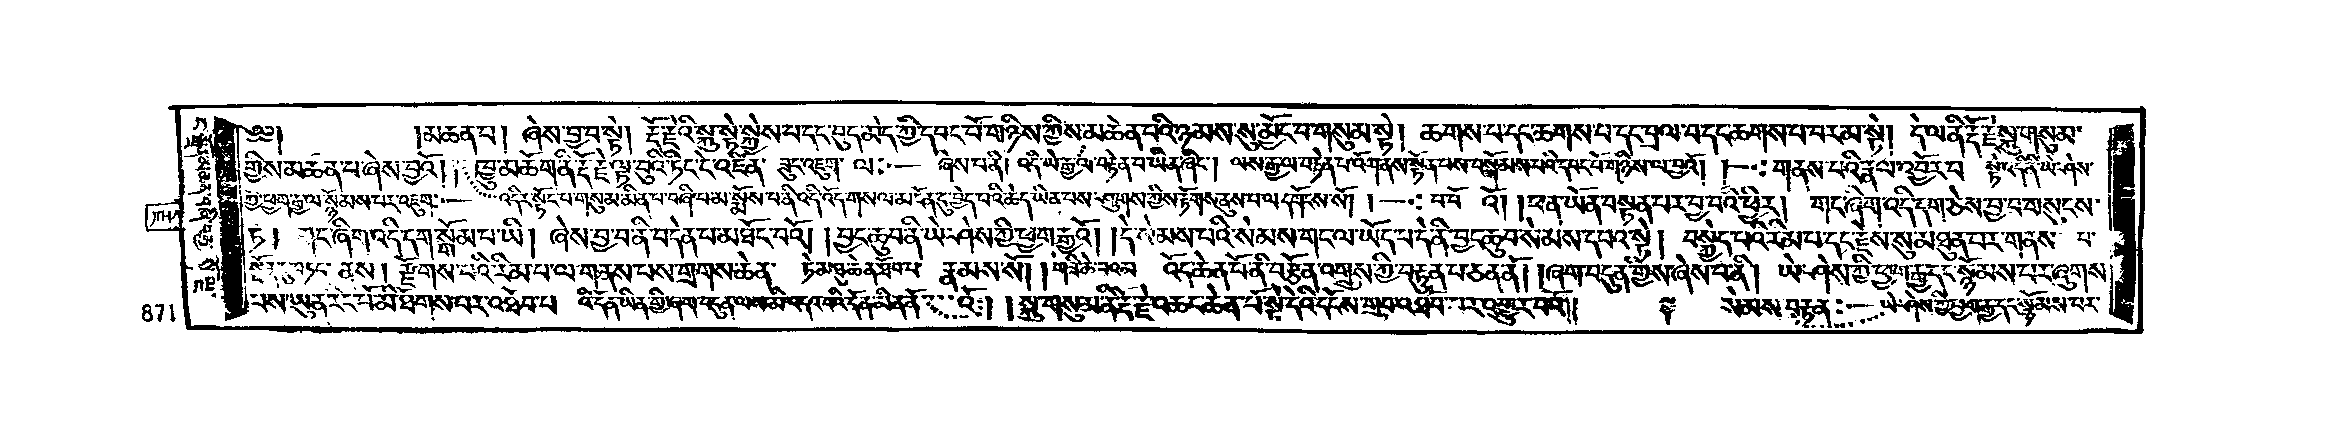༄༅། །མཚན་པ། ཞེས་བྱ་བ་སྟེ། རྡོ་རྗེའི་སྐུ་སྟེ་སྐྱེས་པ་དང་བུད་མེད་ཀྱི་དབང་པོ་གཉིས་ཀྱིས་མཚན་པའི་ཉམས་སུ་མྱོང་བ་གསུམ་སྟེ། ཆགས་པ་དང་ཆགས་པ་དང་བྲལ་བ་དང་ཆགས་པ་བར་མ་སྟེ། དེ་ལ་ནི་རྡོ་རྗེ་སྐུ་གསུམ་
གྱིས་མཚན་པ་ཞེས་བྱའོ། །ཁྱུ་མཆོག་ནི་རྡོ་རྗེ་ལྟ་བུའི་ཏིང་ངེ་འཛིན་ཟུང་འཇུག་ལཿ་ཞེས་པ་ནི། འདི་ཡེ་རྒྱ་ལ་བརྟེན་པ་ཡིན་ཞིང་། ལས་རྒྱ་ལ་བརྟེན་པ་འོག་ནས་སྟོན་པས་བསྒོམས་པའི་དབང་པོ་གཉིས་ལ་བྱའོ། །  .Hགནས་པའི་རྣལ་འབྱོར་པ་སྟེ་འདི་ནི་ཡེ་ཤེས་
ཀྱི་ཕྱག་རྒྱ་ལ་སྙོམས་པར་འཇུགཿ་འདིར་སྟོང་པ་གསུམ་མིན་པ་བཞི་པ་མ་སྨོས་པ་ནི་འདི་འོད་གསལ་མངོན་དུ་བྱེད་པའི་ཆེད་ཡིན་པས་ཤུགས་ཀྱིས་རྟོགས་ནུས་པ་ལ་དགོངས་སོ། །.H པ་པའོ། །ཕན་ཡོན་བསྟན་པར་བྱ་བའི་ཕྱིར། གང་ཞིག་འདི་དག་ཅེས་བྱ་བ་གསུངས་
ཏེ། གང་ཞིག་འདི་དག་སྒོམ་པ་ཡི། ཞེས་བྱ་བ་ནི་བདེན་པ་མཐོང་བའོ། །བྱང་ཆུབ་ནི་ཡེ་ཤེས་ཀྱི་ཕྱག་རྒྱའོ། །དེ་སེམས་པའི་སེམས་གང་ལ་ཡོད་པ་དེ་ནི་བྱང་ཆུབ་སེམས་དཔའ་སྟེ། བསྐྱེད་པའི་རིམ་པ་དང་རྗེས་སུ་མཐུན་པར་གནས་པ་
སྔོན་དུ་བཏང་ནས། རྫོགས་པའི་རིམ་པ་ལ་གནས་པས་གྲགས་ཆེན་ཏེ་མཐུ་ཆེན་ཐོབ་པ་རྣམས་སོ། ། གཟི་ཆེ་བའམ་འོད་ཆེན་པོ་ནི་བརྩོན་འགྲུས་ཀྱི་བརྟུན་པ་ཅན་ནོ། །ཞག་བདུན་གྱིས་ཞེས་པ་ནི། ཡེ་ཤེས་ཀྱི་ཕྱག་རྒྱ་དང་སྙོམས་པར་ཞུགས་
པས་ཡུན་རིང་པོ་མི་ཐོགས་པར་འཐོབ་པའི་དོན་ཡིན་གྱི་ཞག་བདུན་ལས་མི་འདའ་བའི་དོན་མིན་ནོའོ། །སྐུ་གསུམ་ནི་རྡོ་རྗེ་འཆང་ཆེན་པོ་སྟེ་དེའི་དངོས་གྲུབ་འཐོབ་པར་འགྱུར་པའོ།། ༈ སེམས་བརྟནཿ་ཡེ་ཤེས་ཀྱི་ཕྱག་རྒྱ་དང་སྙོམས་པར་